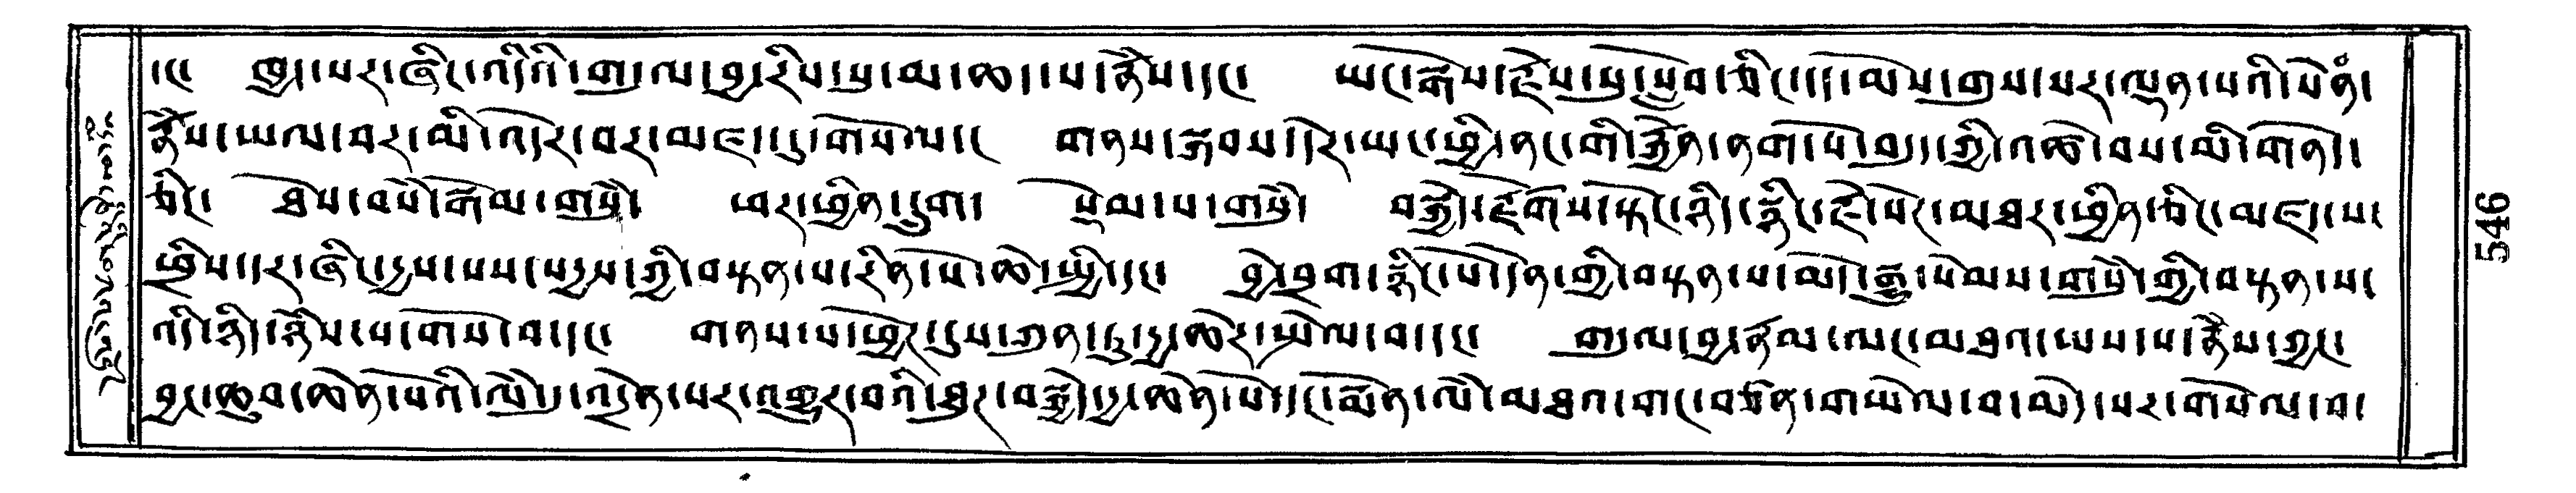དང་། ཁྱད་པར་ཞིང་འདིའི་གདུལ་བྱ་རིས་སུ་མ་ཆད་པ་རྣམས་དང་། ཡང་སྒོས་རྗེས་སུ་སློབ་ཅིང་དད་མོས་གུས་པར་ལྡན་པའི་སེམས་ཅན་
རྣམས་ཡལ་བར་མི་འདོར་བར་མཛད་དུ་གསོལ། གནས་སྐབས་དེར་ཡང་ཕྱི་ནང་གི་རྐྱེན་ནག་པོ་བདུད་ཀྱི་འཚེ་བས་མི་གནོད་
ཅིང་། ཐོས་བསམ་སྒོམ་གསུམ། ཕར་ཕྱིན་དྲུག སྡོམ་པ་གསུམ། བསྐྱེད་རྫོགས་སྟོང་ཉིད་སྙིང་རྗེ་སོགས་མཐར་ཕྱིན་ཅིང་མཛད་པ་
ཕྲིན་ལས་དར་ཞིང་རྒྱས་པས་སངས་རྒྱས་ཀྱི་བསྟན་པ་རིན་པོ་ཆེ་སྤྱི་དང་། བྱེ་བྲག་སྙིང་པོ་དོན་གྱི་བསྟན་པ་མདོ་སྒྱུ་སེམས་གསུམ་གྱི་བསྟན་པ་
འདི་ཉིད་ཉམས་པ་གསོ་བ་དང་། གནས་པ་ཕྱོགས་དུས་ཀུན་ཏུ་རྒྱ་ཆེར་སྤེལ་བ་དང་། གདུལ་བྱ་རྣམ་མང་མཐའ་ཡས་པ་རྣམས་ཀྱང་
བྱང་ཆུབ་ཆེན་པོའི་ལམ་དུ་འདྲེན་པར་འགྱུར་བའི་ཐུགས་བསྐྱེད་རྒྱ་ཆེན་པོ་དང་སྨོན་ལམ་མཐའ་གང་བཙན་གཡེལ་བ་མེད་པར་གསོལ་བ་